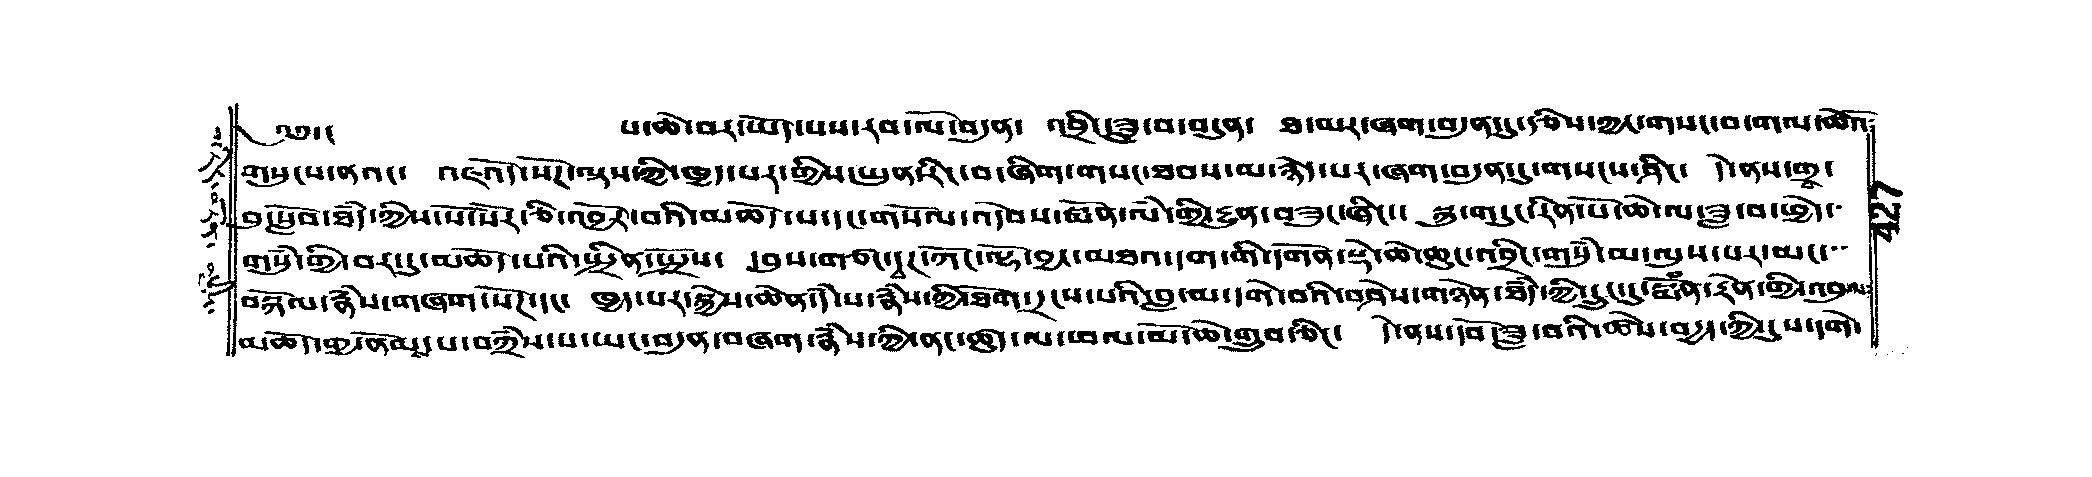པ་ཆེ་བར་ཡོད་པས་རབ་ལོ་བདུན། འབྲིང་ཟླ་བ་བདུན། ཐ་མར་ཞག་བདུན་དུ་ཅིས་ཀྱང་གསང་བ་གལ་ཆེའོ་
གསུངས་ནའང་། འཇའ་འོད་སོགས་ལྟས་ཀྱི་ཁྱད་པར་གྱིས་ཡུན་རིང་བ་ཞིག་གསང་ཐབས་མ་རྙེད་པར་ཞག་བདུན་དུ་གསངས་ཤིང་། དེ་ནས་གྲྭ་
བུ་སློབ་ཐམས་ཅད་ཀྱིས་སོ་སོར་ཅི་འབྱོར་བའི་མཆོད་པ་དང་གསོལ་འདེབས་སྨོན་ལམ་གྱི་རྒྱུན་བཟུང་ཞིང་། སྐུ་གདུང་རིན་པོ་ཆེ་ལ་ཟླ་བ་ཕྱེད་
གསུམ་གྱི་བར་དུ་མཆོད་པའི་སྤྲིན་སྤྲོས། དབུས་གཙང་དྭགས་ཀོང་ལྷོ་བྱང་མཐའ་དག་གི་དགོན་སྡེ་ཆེ་ཆུང་འབྲིང་གསུམ་མ་ལུས་པར་མང་
བསྐོལ་རྣམ་གཞག་སོགས་དང་། ཁྱད་པར་སྐྱེས་ཆེན་དམ་པ་རྣམས་ཀྱི་ཐོག་དྲངས་པའི་བླ་མ་དགེ་བའི་བཤེས་གཉེན་ཐམས་ཅད་ཀྱི་དྲུང་དུ་སྨོན་ལམ་རྟེན་གྱི་འབུལ་
མཆོད་གྱ་ནོམས་པ་བཀྲམས་པ་ཡང་བདུན་ཞག་རྣམས་ཀྱི་ནང་ཚུད་ལ་ཕལ་མོ་ཆེ་གྲུབ་ཅིང་། དེ་ནས་དབོ་ཟླ་བའི་ཚེས་བརྒྱད་ཀྱི་དུས་དགེ་